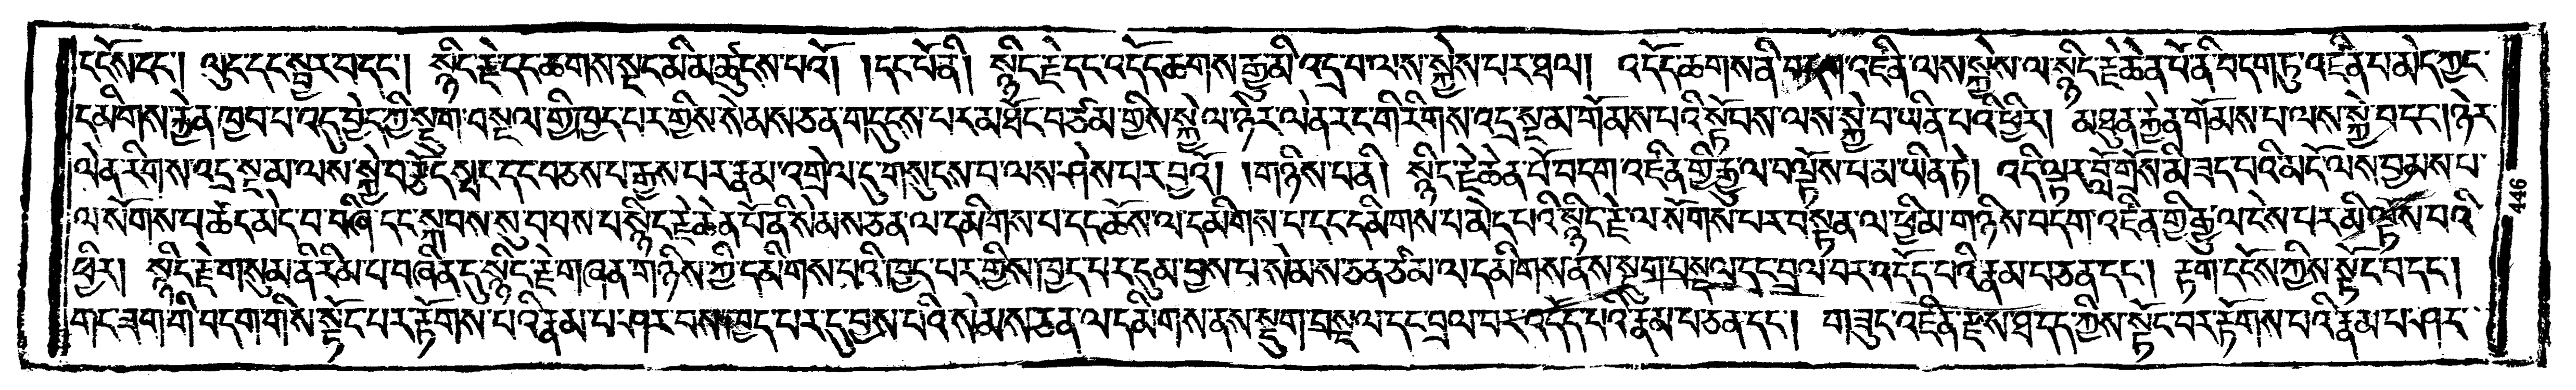དངོས་དང་། ལུང་དང་སྦྱར་བ་དང་། སྙིང་རྗེ་དང་ཆགས་སྡང་མི་མཚུངས་པའོ། །དང་པོ་ནི། སྙིང་རྗེ་དང་འདོད་ཆགས་རྒྱུ་མི་འདྲ་བ་ལས་སྐྱེས་པར་ཐལ། འདོད་ཆགས་ནི་བདག་འཛིན་ལས་སྐྱེས་ལ་སྙིང་རྗེ་ཆེན་པོ་ནི་བདག་ཏུ་འཛིན་པ་མེད་ཀྱང་
དམིགས་རྐྱེན་ཁྱབ་པ་འདུ་བྱེད་ཀྱི་སྡུག་བསྔལ་གྱི་ཁྱད་པར་གྱིས་སེམས་ཅན་གདུངས་པར་མཐོང་བ་ཙམ་གྱིས་སྐྱེ་ལ་ཉེར་ལེན་རང་གི་རིགས་འདྲ་སྔ་མ་གོམས་པའི་སྟོབས་ལས་སྐྱེ་བ་ཡིན་པའི་ཕྱིར། མཐུན་རྐྱེན་གོམས་པ་ལས་སྐྱེ་བ་དང་། ཉེར་
ལེན་རིགས་འདྲ་སྔ་མ་ལས་སྐྱེ་བརྩོད་སྤང་དང་བཅས་པ་རྒྱས་པར་རྣམ་འགྲེལ་དུ་གསུངས་བ་ལས་ཤེས་པར་བྱའོ། །གཉིས་པ་ནི། སྙིང་རྗེ་ཆེན་པོ་བདག་འཛིན་གྱི་རྒྱུ་ལ་བལྟོས་པ་མ་ཡིན་ཏེ། འདི་ལྟར་བློ་གྲོས་མི་ཟད་པའི་མདོ་ལས་བྱམས་པ་
ལ་སོགས་པ་ཚད་མེད་བ་བཞི་དང་སྐབས་སུ་བབས་པ་སྙིང་རྗེ་ཆེན་པོ་ནི་སེམས་ཅན་ལ་དམིགས་པ་དང་ཆོས་ལ་དམིགས་པ་དང་དམིགས་པ་མེད་པའི་སྙིང་རྗེ་ལ་སོགས་པར་བསྟན་ལ་ཕྱི་མ་གཉིས་བདག་འཛིན་གྱི་རྒྱུ་ལ་ངེས་པར་མི་ལྟོས་པའི་
ཕྱིར། སྙིང་རྗེ་གསུམ་ནི་རིམ་པ་བཞིན་དུ་སྙིང་རྗེ་གཞན་གཉིས་ཀྱི་དམིགས་པའི་ཁྱད་པར་གྱིས་ཁྱད་པར་དུམ་བྱས་པ་སེམས་ཅན་ཙམ་ལ་དམིགས་ནས་སྡུག་བསྔལ་དང་བྲལ་བར་འདོད་པའི་རྣམ་པ་ཅན་དང་། རྟག་དངོས་ཀྱིས་སྟོང་བ་དང་།
གང་ཟག་གི་བདག་གིས་སྟོང་པར་རྟོགས་པའི་རྣམ་པར་ཤར་བས་ཁྱད་པར་དུ་བྱས་པའི་སེམས་ཅན་ལ་དམིགས་ནས་སྡུག་བསྔལ་དང་བྲལ་བར་འདོད་པའི་རྣམ་པ་ཅན་དང་། གཟུང་འཛིན་རྫས་ཐ་དད་ཀྱིས་སྟོང་བར་རྟོགས་པའི་རྣམ་པ་ཤར་